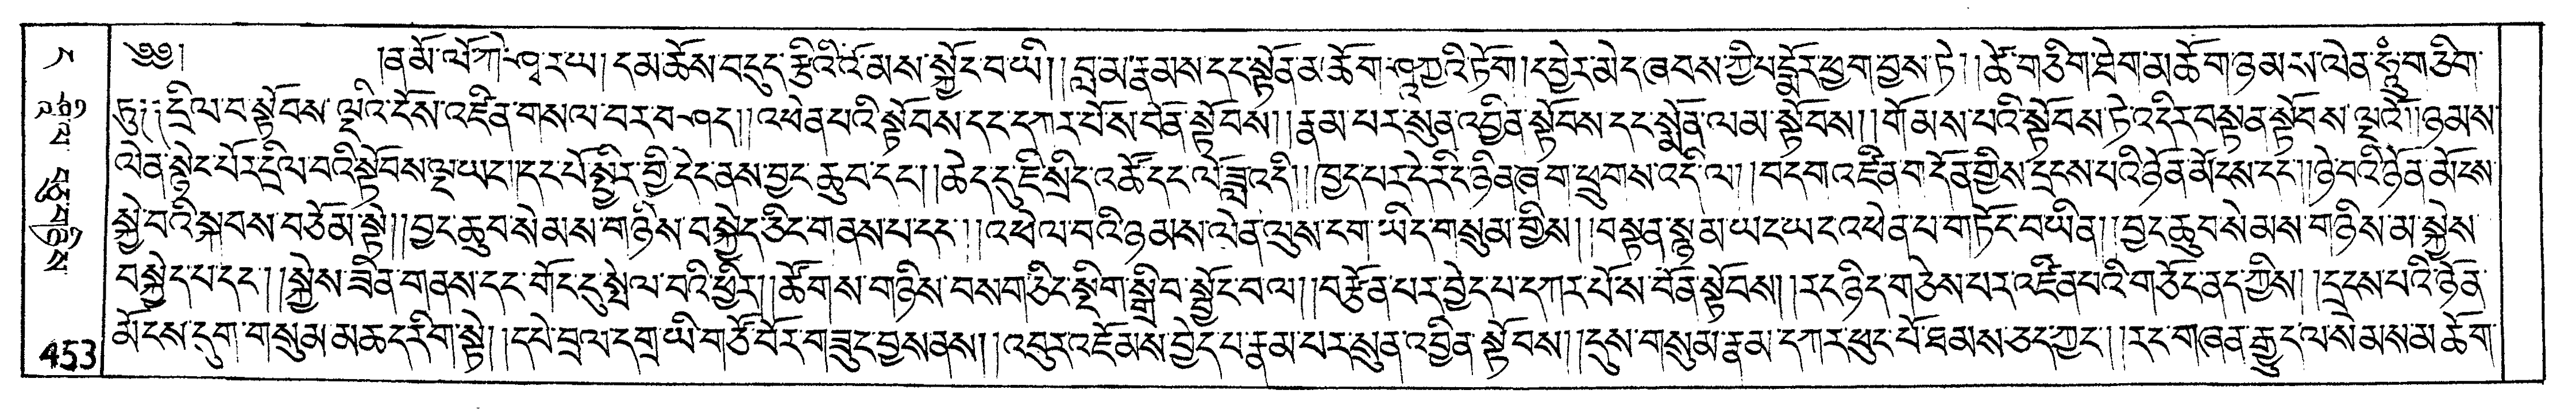༄༅། །ན་མོ་ལོ་ཀེ་ཤྭ་ར་ཡ། དམ་ཆོས་བདུད་རྩིའི་འོ་མས་སྐྱོང་བ་ཡི། །བླ་མ་རྣམས་དང་སྟོན་མཆོག་ཤཱཀྱའི་ཏོག །དབྱེར་མེད་ཞབས་ཀྱི་པདམོར་ཕྱག་བྱས་ཏེ། །ཚེ་གཅིག་ཐེག་མཆོག་ཉམས་ལེན་ཧཱུཾ་གཅིག་
ཏུ༑ ༑དྲིལ་བ་སྟོབས་ལྔའི་ངོས་འཛིན་གསལ་བར་བཤད། །འཕེན་པའི་སྟོབས་དང་དཀར་པོ་ས་བོན་སྟོབས། །རྣམ་པར་སུན་འབྱིན་སྟོབས་དང་སྨོན་ལམ་སྟོབས། །གོམས་པའི་སྟོབས་ཏེ་འདིར་བསྟན་སྟོབས་ལྔའོ། །ཉམས་
ལེན་སྙེང་པོར་དྲིལ་བའི་སྟོབས་ལྔ་ཡང་། །དང་པོ་སྤྱིར་གྱི་དེང་ནས་བྱང་ཆུབ་དང་། །ཆེད་དུ་ཇི་སྲིད་འཚོ་དང་ལོ་ཟླ་འདི། །ཁྱད་པར་དེ་རིང་ཉིན་ཞག་ཕྲུགས་འདི་ལ། །བདག་འཛིན་གདོན་གྱིས་དྲངས་པའི་ཉོན་མོངས་དང་། །ཉེ་བའི་ཉོན་མོངས་
སྐྱེ་བའི་སྐབས་བཅོམ་སྟེ། །བྱང་ཆུབ་སེམས་གཉིས་བསྐྱེད་ཅིང་གནས་པ་དང་། །འཕེལ་བའི་ཉམས་ལེན་ལུས་ངག་ཡིད་གསུམ་གྱིས། །བསྟན་སྙམ་ཡང་ཡང་འཕེན་པ་གཏོང་བ་ཡིན། །བྱང་ཆུབ་སེམས་གཉིས་མ་སྐྱེས་
བསྐྱེད་པ་དང་། །སྐྱེས་ཟིན་གནས་དང་གོང་དུ་སྤེལ་བའི་ཕྱིར། །ཚོགས་གཉིས་བསག་ཅིང་སྡིག་སྒྲིབ་སྦྱོང་བ་ལ། །བརྩོན་པར་བྱེད་པ་དཀར་པོ་ས་བོན་སྟོབས། །རང་ཉིད་གཅེས་པར་འཛིན་པའི་གཅོད་ནད་ཀྱིས། །དྲངས་པའི་ཉོན་
མོངས་དུག་གསུམ་མཆད་རིག་སྟེ། །དཔེ་བྲལ་དགྲ་ཡི་གཙོ་བོར་གཟུང་བྱས་ནས། །འབུར་འཇོམས་བྱེད་པ་རྣམ་པར་སུན་འབྱིན་སྟོབས། །དུས་གསུམ་རྣམ་དཀར་ཕུང་པོ་ཐམས་ཅད་ཀྱང་། །རང་གཞན་རྒྱུད་ལ་སེམས་མཆོག་